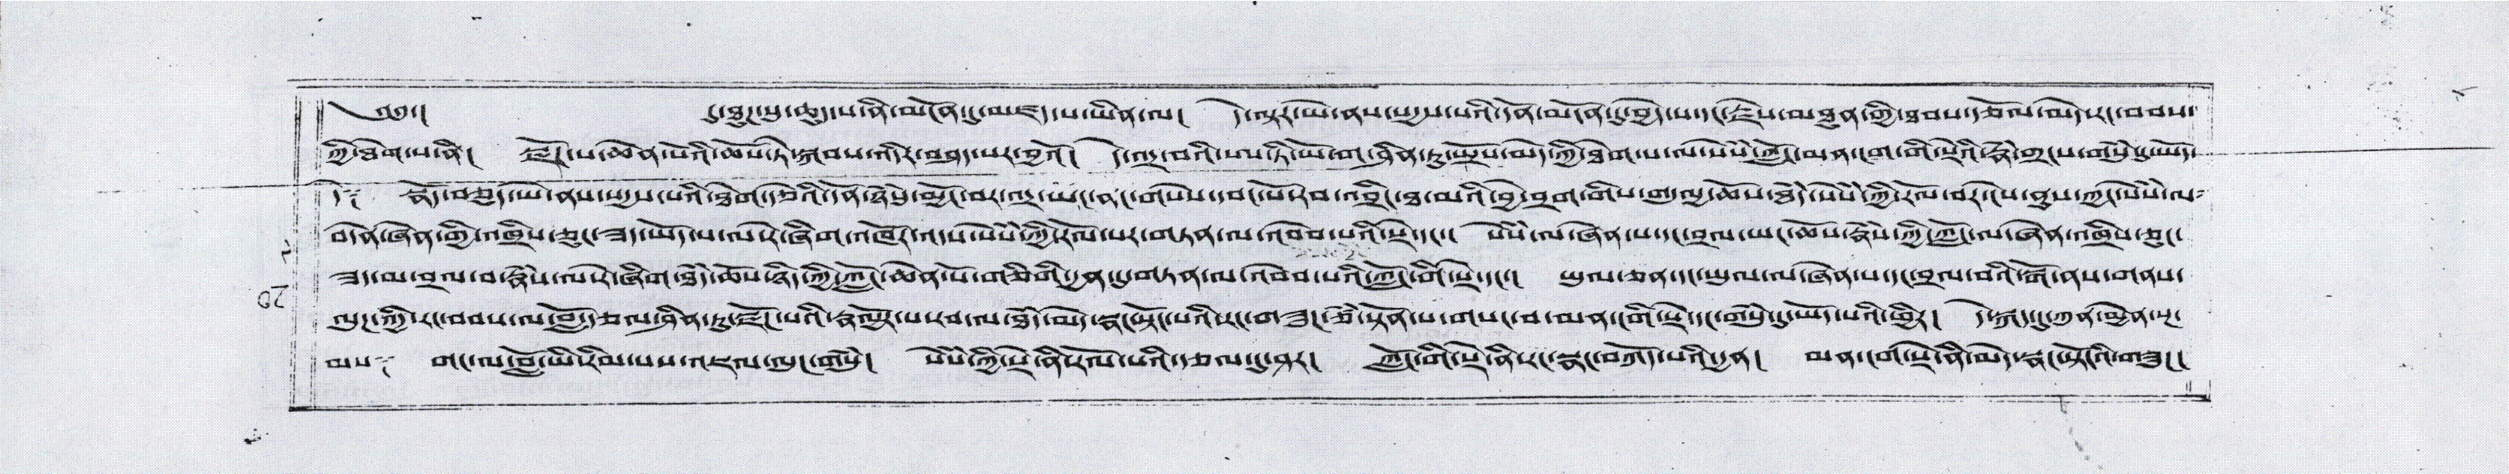དུ་ཐུགས་སུ་ཆུད་པ་ནི་མངོན་དུ་མཛད་པ་ཡིན་ལ། དེ་ལྟར་ཡེ་ནས་སངས་རྒྱས་པའི་དོན་དུ་བྱེད་པ་དང་རྗེས་མཐུན་གྱི་ཐབས་རྩོལ་མེད་རང་བབས་
ཀྱི་ཐེག་པ་ནི། རྫོགས་པ་ཆེན་པོའི་ཆོས་ཏེ་སྐབས་འདིར་བཤད་པར་བྱའོ། དེ་འདྲ་བའི་ཨ་ཏི་ཡོ་ག་ཤིན་ཏུ་སྤྲོས་མེད་ཀྱི་ཐེག་པ་ལ་སེམས་སྐོང་མན་ངག་གི་སྡེའི་རྣམ་གྲངས་གསུམ་དུ་ཡོད་
དེ། སྣོད་བཅུད་ཡེ་ནས་སངས་རྒྱས་པའི་ཐེག་རྩེའི་དོན་ཉམས་སུ་མྱོང་བར་འདྲ་ཡང་ནང་གསེས་དབང་པོ་རབ་འབྲིང་ཐ་མའི་བྱེ་བྲག་གིས་གདུལ་བྱ་ཆོས་ཐམས་ཅད་སེམས་ཀྱི་རོལ་བར་ངེས་ནུས་ཀྱང་སེམས་ལ་
བདེན་ཞེན་གྱི་འཁྲིས་ཅུང་ཟད་ཡོད་པ་ལ་རེ་ཞིག་འཁོར་འདས་སེམས་ཀྱི་རོལ་པར་གཏན་ལ་འབེབ་པའི་སྡེ་དང། སེམས་ལ་ཞེན་པ་དང་བྲལ་ཡང་ཆོས་རྣམས་ཀྱི་ཀློང་ལ་ཞེན་འཁྲིས་ཅུང་
ཟད་མ་བྲལ་བ་རྣམས་ལ་རེ་ཞིག་ཐམས་ཅད་ཆོས་ཉིད་ཀྱི་ཀློང་ཆེན་པོ་གཅིག་གི་རྒྱན་དུ་གཏན་ལ་འབེབས་པའི་ཀློང་གི་སྡེ་དང། ཡུལ་ཅན་དང་ཡུལ་ལ་ཞེན་པ་དང་བྲལ་བའི་སྒོ་ནས་གནས་
ལུགས་ཀྱི་རང་བབས་ལ་བློ་རྩལ་ཤིན་ཏུ་རྫོགས་པའི་རྣལ་འབྱོར་པ་རབ་ལ་ཐམས་ཅད་མེད་སྣང་སྟོང་པའི་རང་གཟུགས་ཙམ་སྟོན་པ་གསང་བ་མན་ངག་གི་སྡེ་དང་གསུམ་དུ་ཡོད་པའི་ཕྱིར། དེ་སྐད་དུ་ཀུན་མཁྱེན་སྔ་
མས། གང་ལ་བློ་ཡི་རིམ་པས་འཇལ་ལུང་གསུམ། སེམས་ཀྱི་སྡེ་ནི་རོལ་པའི་རྩལ་དུ་ཤར། ཀློང་གི་སྡེ་ནི་རང་སྣང་བཀོད་པའི་རྒྱན། མན་ངག་སྡེ་ནི་མེད་སྣང་སྟོང་པའི་གཟུགས།